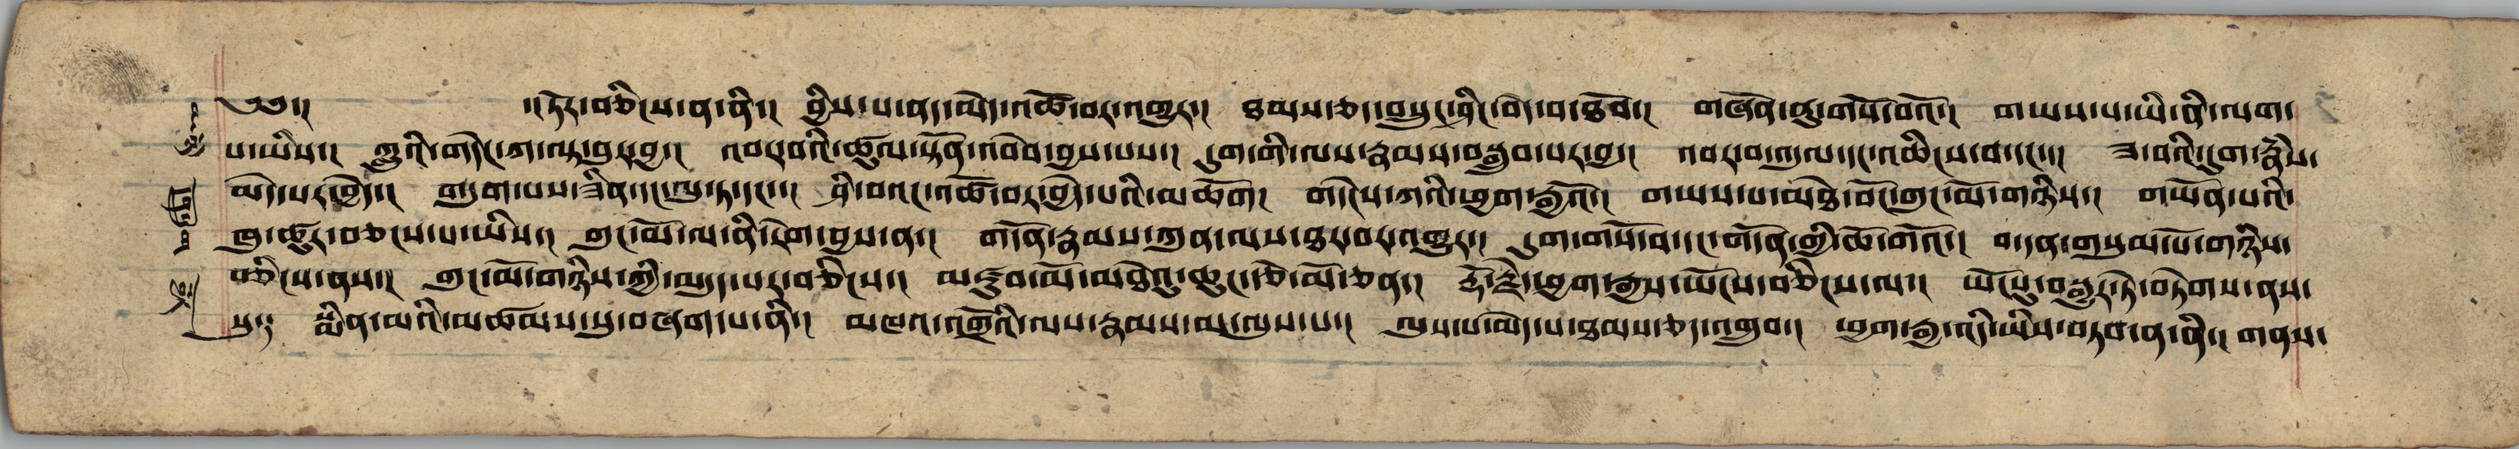༄༅་། ་།ཏོར་བཅིངས་ན་ནི་། བྱིས་པ་ནད་མེད་འཚོ་བར་འགྱུར་། ཐམས་ཅད་བསྲུང་ཤིང་བདེ་བ་ཐོབ་། གཞོན་ནུ་གསོ་བའོ་། གཡས་པ་ཡི་ནི་ལག་
པ་ཡིས་། ཀླུའི་གདེང་ཀ་ལྟ་བུར་བྱ་། འབར་བའི་ཚུལ་སྟོན་འབེབ་བྱས་པས་། དུག་གི་ལས་རྣམས་བསྒྲུབ་པར་བྱ་། འབར་བ་འདུལ་དང་འཆིངས་བ་དང་་། ཟ་བའི་དུག་རྣཾས་
མེད་པར་བྱེད་། གདུག་པས་ཟིན་དང་ལུ་ཏ་དང་། ཤི་བའང་འཚོ་བར་བྱེད་པའི་མཆོག། གདེངས་ཀའི་ཕྱག་རྒྱའོ་། གཡས་པ་མཐེ་བོང་གུང་མོ་གཉིས་། གཡོན་པའི་
ཁུ་ཚུར་བཅངས་པ་ཡིས་། གུང་མོ་ལ་ནི་རེག་བྱས་ན་། གདོན་རྣམས་ཀུན་ལས་ཐར་བར་འགྱུར་། དུག་གསོ་བ་དང་གདོན་གྱི་ཆོ་གའོ་། བ་དན་གསུམ་པོ་གཉིས་
བཅིངས་ནས་། གུང་མོ་གཉིས་ཀྱི་མདུད་པར་བཅིངས་། མཛུབ་མོ་མཐེའུ་ཆུང་རྩེ་མོ་ཅན་། རྡོ་རྗེ་ཕྱག་རྒྱས་ཡོངས་བཅིངས་ལ་། ཡོངསུ་བསྒྱུར་ཏེ་བཏེགས་ནས་
སུ༑ སྨིན་མའི་མཚམས་སུ་བཞག་པ་ནི་། མཁའ་འགྲོའི་ལས་རྣམས་མ་ལུས་པ་། ལུས་པ་མེད་པ་ཐམས་ཅད་འགྲུབ་། ཕྱག་རྒྱ་འདི་ཡིས་བཏབ་ན་ནི་། གནས་